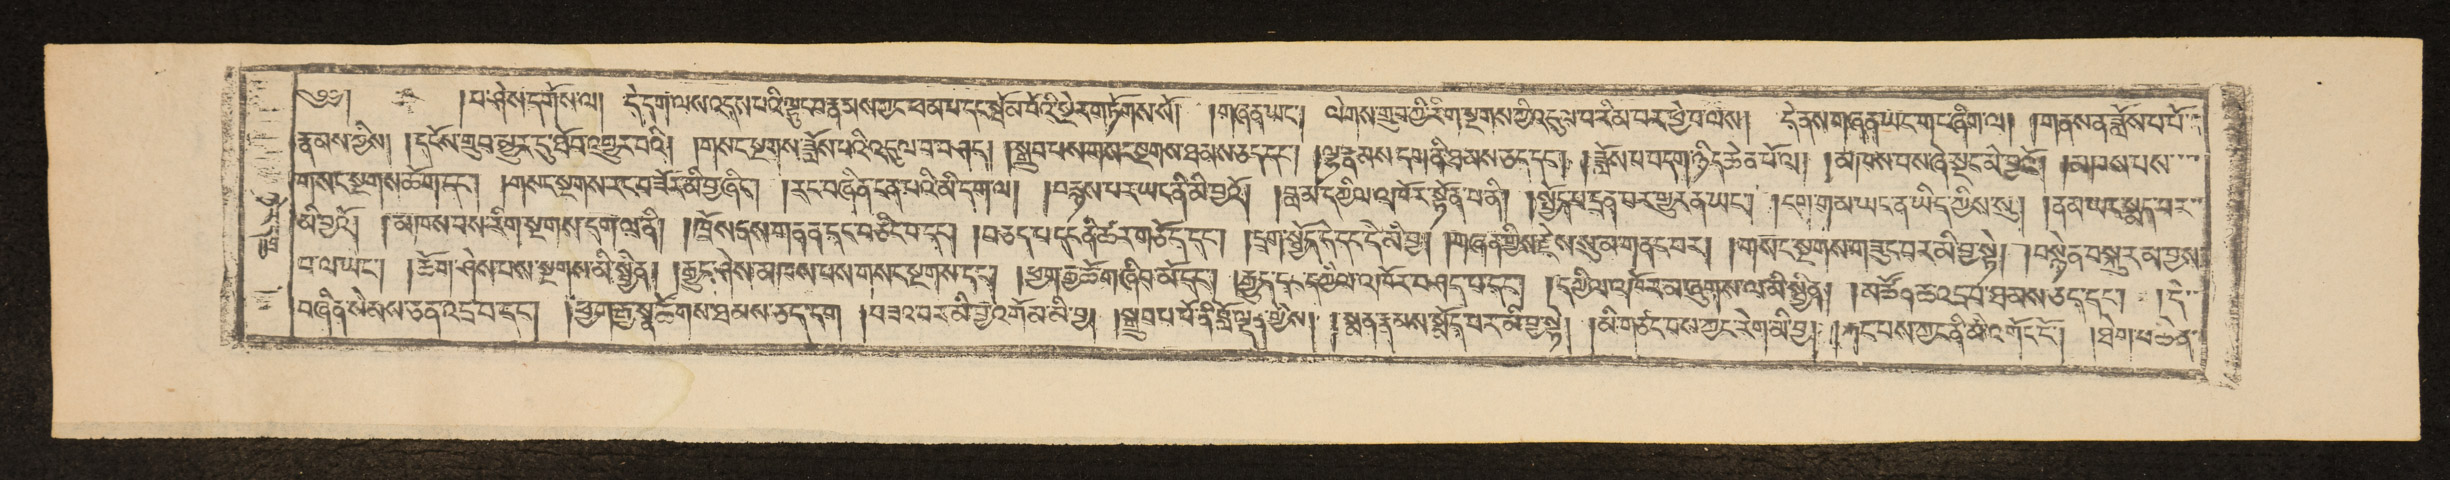༄༅། །པ་ཤེས་དགོས་ལ། དེ་དག་ལས་འདས་པའི་ལྟུང་བ་རྣམས་ཀྱང་ཕམ་པ་དང་སྦོམ་པོའི་སྔེར་གཏོགས་སོ། །གཞན་ཡང་། ལེགས་གྲུབ་ཀྱི་རིག་སྔགས་ཀྱི་འདུལ་བ་རིམ་པར་ཕྱེ་བ་ལས། དེ་ནས་གཞན་ཡང་གང་ཞིག་ལ། །གནས་ན་ཟློས་པ་པོ་
རྣམས་ཀྱིས། །དངོས་གྲུབ་མྱུར་དུ་ཐོབ་འགྱུར་བའི། །གསང་སྔགས་ཟློས་པའི་འདུལ་བ་བཤད། །སྒྲུབ་པས་གསང་སྔགས་ཐམས་ཅད་དང་། །ལྷ་རྣམས་དག་ནི་ཐམས་ཅད་དང་། །ཟློས་པ་བདག་ཉིད་ཆེན་པོ་ལ། །མཁས་པས་ཞེ་སྡང་མི་བྱའོ། །མཁས་པས་
གསང་སྔགས་ཆོག་དང་། །གསང་སྔགས་རང་བཟོར་མི་བྱ་ཞིང་། །རང་བཞིན་ངན་པའི་མི་དག་ལ། །བརྙས་པར་ཡང་ནི་མི་བྱའོ། །བླ་མ་དཀྱིལ་འཁོར་སྟོན་པ་ནི། །སྤྱོད་པ་དྲན་པར་གྱུར་ན་ཡང་། །དག་གམ་ཡང་ན་ཡིད་ཀྱིས་སུ། །ནམ་ཡང་སྨད་པར་
མི་བྱའོ། །མཁས་པས་རིག་སྔགས་དག་ལ་ནི། །ཁྲོས་ནས་གནན་དང་བཅིང་བ་དང་། །བཅད་པ་དང་ནི་ཚར་གཅོད་དང་། །དྲག་སྦྱོད་དེ་དང་དེ་མི་བྱ། །གཞན་གྱིས་རྗེས་སུ་མ་གནང་བར། །གསང་སྔགས་གཟུང་བར་མི་བྱ་སྟེ། །བསྙེན་བསྐུར་མ་བྱས་
བ་ལ་ཡང་། །ཆོག་ཤེས་པས་སྔགས་མི་སྦྱིན། །རྒྱུད་ཤེས་མཁས་པས་གསང་སྔགས་དང་། །ཕྱག་རྒྱ་ཆོ་ག་ཞིབ་མོ་དང་། །རྒྱུད་དང་དཀྱིལ་འཁོར་བཤད་པ་དང་། །དཀྱིལ་འཁོར་མ་ཞུགས་ལ་མི་སྦྱིན། །མཚོན་ཆ་འདྲ་བ་ཐམས་ཅད་དང་། །དེ་
བཞིན་སེམས་ཅན་འདྲ་བ་དང་། །ཕྱག་རྒྱ་སྣ་ཚོགས་ཐམས་ཅད་དག །བཟའ་བར་མི་བྱ་འགོམ་མི་བྱ། །སྒྲུབ་པ་པོ་ནི་བློ་ལྡན་གྱིས། །སྨན་རྣམས་སྨོད་པར་མི་བྱ་སྟེ། །མི་གཙང་བས་ཀྱང་རེག་མི་བྱ། །རྐང་པས་ཀྱང་ནི་མི་འགོད་དོ། །ཐེག་པ་ཆེན་